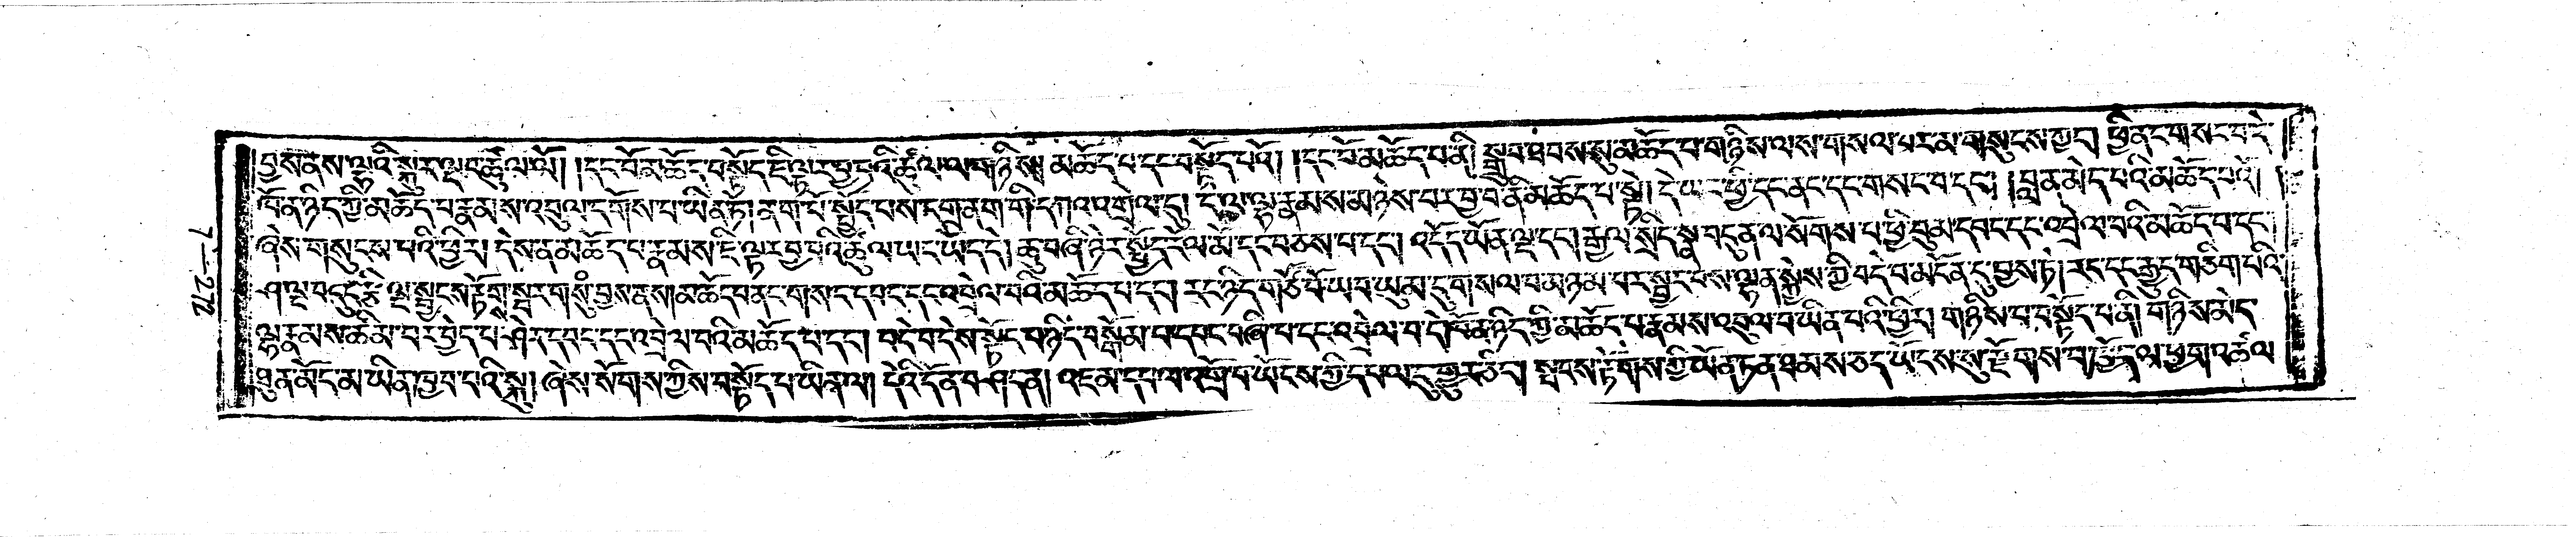བྱས་ནས་ལྷའི་སྐུར་ལྡང་ཚུལ་ལོ། །དང་པོ་མཆོད་བསྟོད་ཇི་ལྟར་བྱ་བའི་ཚུལ་ལ་གཉིས། མཆོད་པ་དང་བསྟོད་པའོ། །དང་པོ་མཆོད་པ་ནི། སྒྲུབ་ཐབས་སུ་མཆོད་པ་གཉིས་ལས་གསལ་བར་མ་གསུངས་ཀྱང་། ཕྱི་ནང་གསང་བ་དེ་
ཁོ་ན་ཉིད་ཀྱི་མཆོད་པ་རྣམས་འབུལ་དགོས་པ་ཡིན་ཏེ། ནག་པོ་སྤྱོད་པས་དག་ནག་གི་དཀའ་འགྲེལ་དུ། དེ་ལ་ལྷ་རྣམས་མཉེས་པར་བྱ་བ་ནི་མཆོད་པ་སྟེ། དེ་ཡང་ཕྱི་དང་ནང་དང་གསང་བ་དང་། །བླ་ན་མེད་པའི་མཆོད་པའོ། །
ཞེས་གསུངས་པའི་ཕྱིར། དེས་ན་མཆོད་པ་རྣམས་ཇི་ལྟར་བྱ་བའི་ཚུལ་ཡང་ཡོད་དེ། ཆུ་བཞི་ཉེར་སྤྱོད་རོལ་མོ་དང་བཅས་པ་དང་། འདོད་ཡོན་ལྔ་དང་། རྒྱལ་སྲིད་སྣ་བདུན་ལ་སོགས་པ་ཕྱི་བུམ་དབང་དང་འབྲེལ་བའི་མཆོད་པ་དང་།
ཤ་ལྔ་བདུད་རྩི་ལྔ་སྦྱངས་རྟོགས་སྦར་གསུམ་བྱས་ནས། མཆོད་པ་ནང་གསང་དབང་དང་འབྲེལ་བའི་མཆོད་པ་དང་། རང་ཉིད་གཙོ་བོ་ཡབ་ཡུམ་དུ་གསལ་བ་མཉམ་པར་སྦྱར་བས་ལྷན་སྐྱེས་ཀྱི་བདེ་བ་མངོན་དུ་བྱས་ཏེ། རང་དང་རྒྱུད་གཅིག་པའི་
ལྷ་རྣམས་ཚིམ་པར་བྱེད་པ་ཤེར་དབང་དང་འབྲེལ་བའི་མཆོད་པ་དང་། བདེ་བ་དེས་སྟོང་པ་ཉིད་བསྒོམ་པ་དབང་བཞི་པ་དང་འབྲེལ་བ་དེ་ཁོ་ན་ཉིད་ཀྱི་མཆོད་པ་རྣམས་འབུལ་བ་ཡིན་པའི་ཕྱིར། གཉིས་པ་བསྟོད་པ་ནི། གཉིས་མེད་
ཐུན་མོང་མ་ཡིན་ཁྱབ་པའི་སྐུ། ཞེས་སོགས་ཀྱིས་བསྟོད་པ་ཡིན་ལ། དེའི་དོན་བཤད་ན། འཇམ་དཔལ་འགྲོ་བ་ཡོངས་ཀྱི་དཔལ་དུ་གྱུར་ཅིང་། སྤངས་རྟོགས་ཀྱི་ཡོན་ཏན་ཐམས་ཅད་ཡོངས་སུ་རྫོགས་པ་ཁྱོད་ལ་ཕྱག་འཚལ་